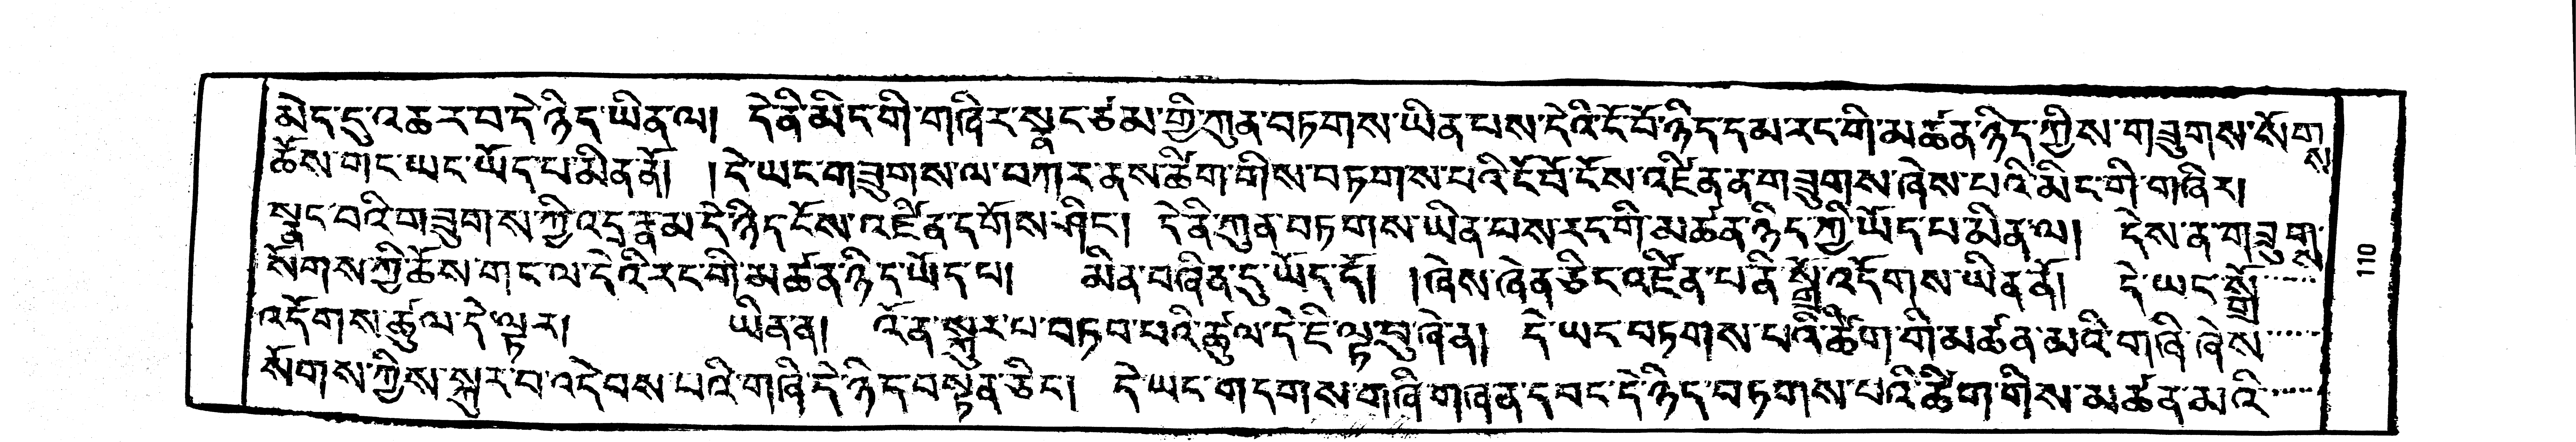མེད་དུ་འཆར་བ་དེ་ཉིད་ཡིན་ལ། དེ་ནི་མིང་གི་གཞིར་སྣང་ཙམ་གྱི་ཀུན་བཏགས་ཡིན་པས་དེའི་ངོ་བོ་ཉིད་དམ་རང་གི་མཚན་ཉིད་ཀྱིས་གཟུགས་སོགས་
ཆོས་གང་ཡང་ཡོད་པ་མིན་ནོ། །དེ་ཡང་གཟུགས་ལ་བཀར་ནས་ཚིག་གིས་བཏགས་པའི་ངོ་བོ་ངོས་འཛིན་ན་གཟུགས་ཞེས་པའི་མིང་གི་གཞིར།
སྣང་བའི་གཟུགས་ཀྱི་འདྲ་རྣམ་དེ་ཉིད་ངོས་འཛིན་དགོས་ཤིང་། དེ་ནི་ཀུན་བཏགས་ཡིན་པས་རང་གི་མཚན་ཉིད་ཀྱི་ཡོད་པ་མིན་ལ། དེས་ན་གཟུགས་
སོགས་ཀྱི་ཆོས་གང་ལ་དེའི་རང་གི་མཚན་ཉིད་ཡོད་པ། མིན་བཞིན་དུ་ཡོད་དོ། །ཞེས་ཞེན་ཅིང་འཛིན་པ་ནི་སྒྲོ་འདོགས་ཡིན་ནོ། དེ་ཡང་སྒྲོ་
འདོགས་ཚུལ་དེ་ལྟར། ཡིན་ན། འོ་ན་སྐུར་པ་བཏབ་པའི་ཚུལ་དེ་ཇི་ལྟ་བུ་ཞེ་ན། དེ་ཡང་བཏགས་པའི་ཚིག་གི་མཚན་མའི་གཞི་ཞེས་
སོགས་ཀྱིས་སྐུར་བ་འདེབས་པའི་གཞི་དེ་ཉིད་བསྟན་ཅིང་། དེ་ཡང་གདགས་གཞི་གཞན་དབང་དེ་ཉིད་བཏགས་པའི་ཚིག་གིས་མཚན་མའ་